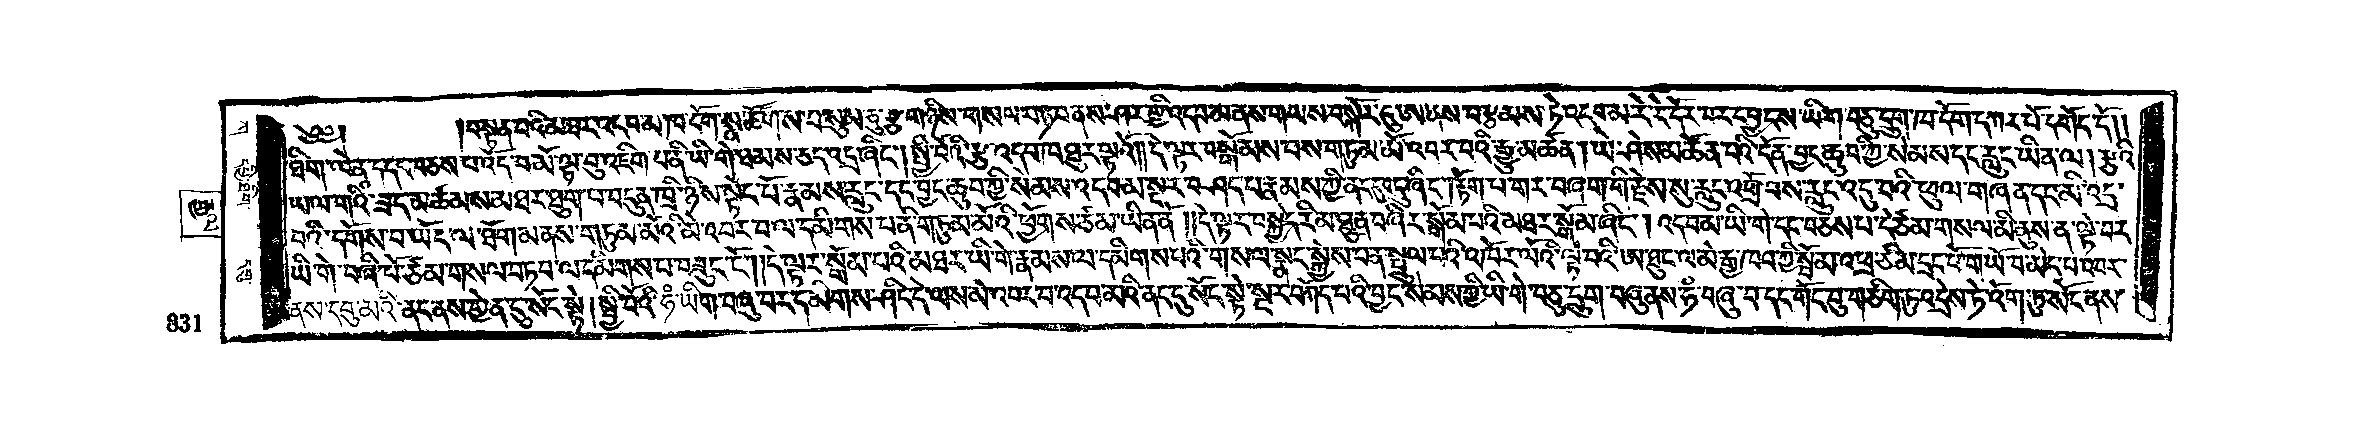༄༅། །བསྟན་པའི་མཐར་འདབ་མ་ཁ་དོག་སྣ་ཚོགས་པ་སུམ་ཅུ་རྩ་གཉིས་གསལ་བཏབ་ནས་ཤར་གྱི་འདབ་མ་ནས་གཡས་བསྐོར་དུ་ཨ་ནས་བརྩམས་ཏེ་འདབ་མ་རེ་རེ་དོར་བར་དབྱངས་ཡིག་བཅུ་དྲུག་ཁ་དོག་དཀར་པོ་དགོད་དོ། །
ཐིག་ལེ་ནཱ་ད་དང་བཅས་པ་འོད་པ་མོ་ལྟ་བུ་འཇིག་པ་ནི་ཡི་གེ་ཐམས་ཅད་འདྲ་ཞིང་། སྤྱི་བོའི་རྩ་འདབ་ཁ་ཐུར་ལྟའོ། །དེ་ལྟར་བསྒོམས་པས་གཏུམ་མོ་འབར་བའི་རྒྱུ་མཚན། ཡེ་ཤེས་མཚོན་པའི་དོན་བྱང་ཆུབ་ཀྱི་སེམས་དང་རླུང་ཡིན་ལ། རྩའི་
ཡལ་གའི་ཟད་མཚམས་མཐར་ཐུག་པ་བདུན་ཁྲི་ཉིས་སྟོང་པོ་རྣམས་རླུང་དང་བྱང་ཆུབ་ཀྱི་སེམས་འདབ་མ་སྔར་བཤད་པ་རྣམས་ཀྱི་ནང་དུ་བདུ་ཞིང་། རྟོག་པ་གར་བཞག་གི་རྗེས་སུ་རླུང་འགྲོ་བས་རླུང་འདུ་བའི་ཕུལ་གཞན་དང་མི་འདྲ་
བའི་དགོས་པ་ཡོད་ལ་ཐོག་མ་ནས་གཏུམ་མོའི་མེ་འབར་བ་ལ་དམིགས་པ་ནི་གཏུམ་མོའི་ཕྱོགས་ཙམ་ཡིན་ནོ། །དེ་ལྟར་བསྐྱེད་རིམ་ཐུན་བཞིར་སྒོམ་པའི་མཐར་སྒོམ་ཞིང་། འདབ་མ་ཡི་གེ་དང་བཅས་པ་དེ་ཙམ་གསལ་མི་ནུས་ན་ལྟེ་བར་
ཡི་གེ་བཞི་པོ་ཙམ་གསལ་བཏབ་ལ་དམིགས་པ་བཟུང་ངོ། །དེ་ལྟར་སྒོམ་པའི་མཐར་ཡི་གེ་རྣམས་ལ་དམིགས་པའི་གསལ་སྣང་སྐྱེས་པ་ན་སྤྲུལ་པའི་འཁོར་ལོའི་ལྟེ་བའི་ཨ་ཐུང་ལ་མེ་རྒྱ་ཁབ་ཀྱི་སྦོམ་འཕྲ་ཙམ་དྲང་པོ་གཡོ་བ་མེད་པ་འབར་
ནས་དབུ་མའི་ནང་ནས་གྱེན་དུ་སོང་སྟེ། སྤྱི་བོའི་ཧཾ་ཡིག་བཞུ་བར་དམིགས་ཤིང་དེ་ལས་མེ་འབར་བ་འདབ་མའི་ནང་དུ་སོང་སྟེ་སྔར་བཀོད་པའི་བྱང་སེམས་ཀྱི་ཡི་གེ་བཅུ་དྲུག་བཞུ་ནས་ཧཾ་བཞུ་བ་དང་གོང་བུ་གཅིག་ཏུ་འདྲེས་ཏེ་འོག་ཏུ་སོང་ནས་